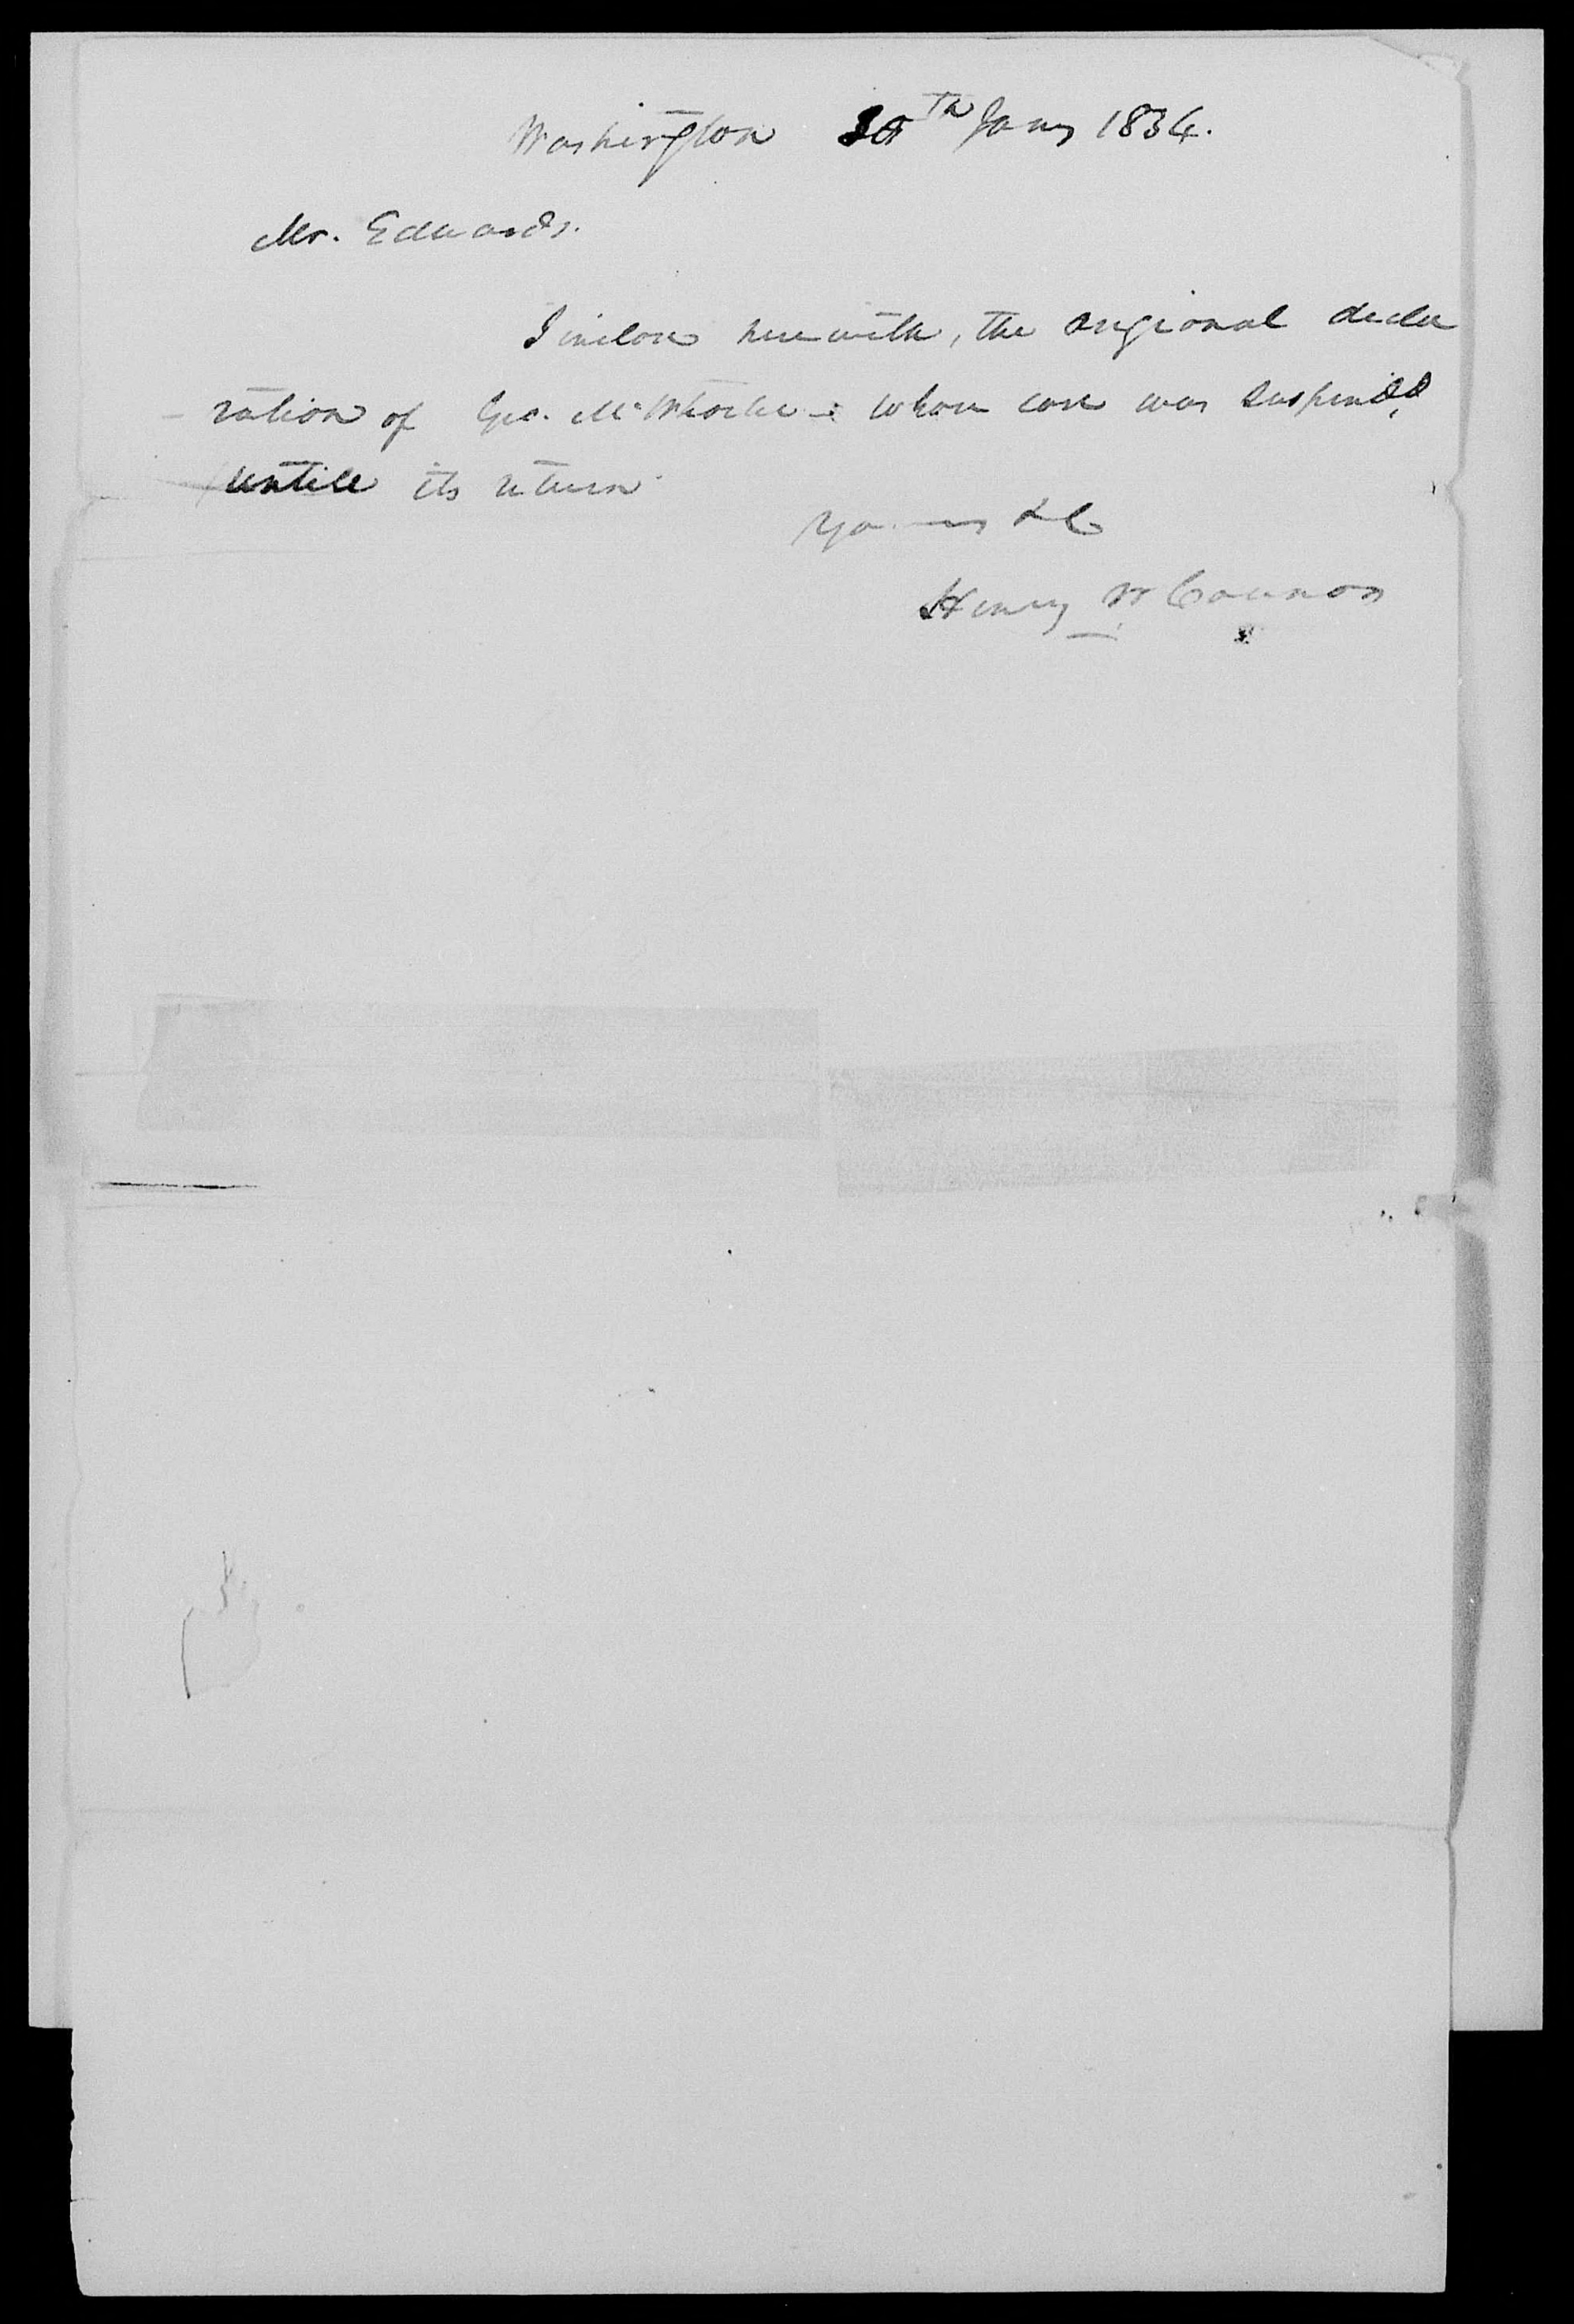Washington 20th Jany 1834  Mr. Edwards.  I enclose herewith, the original declaration of  Geo. McWhorter whose case was suspended until its return.  Yours etc. Henry W. Connor ( signed )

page: 23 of 35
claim: survivor's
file: S. 9,011, for George Mc Whorter, North Carolina